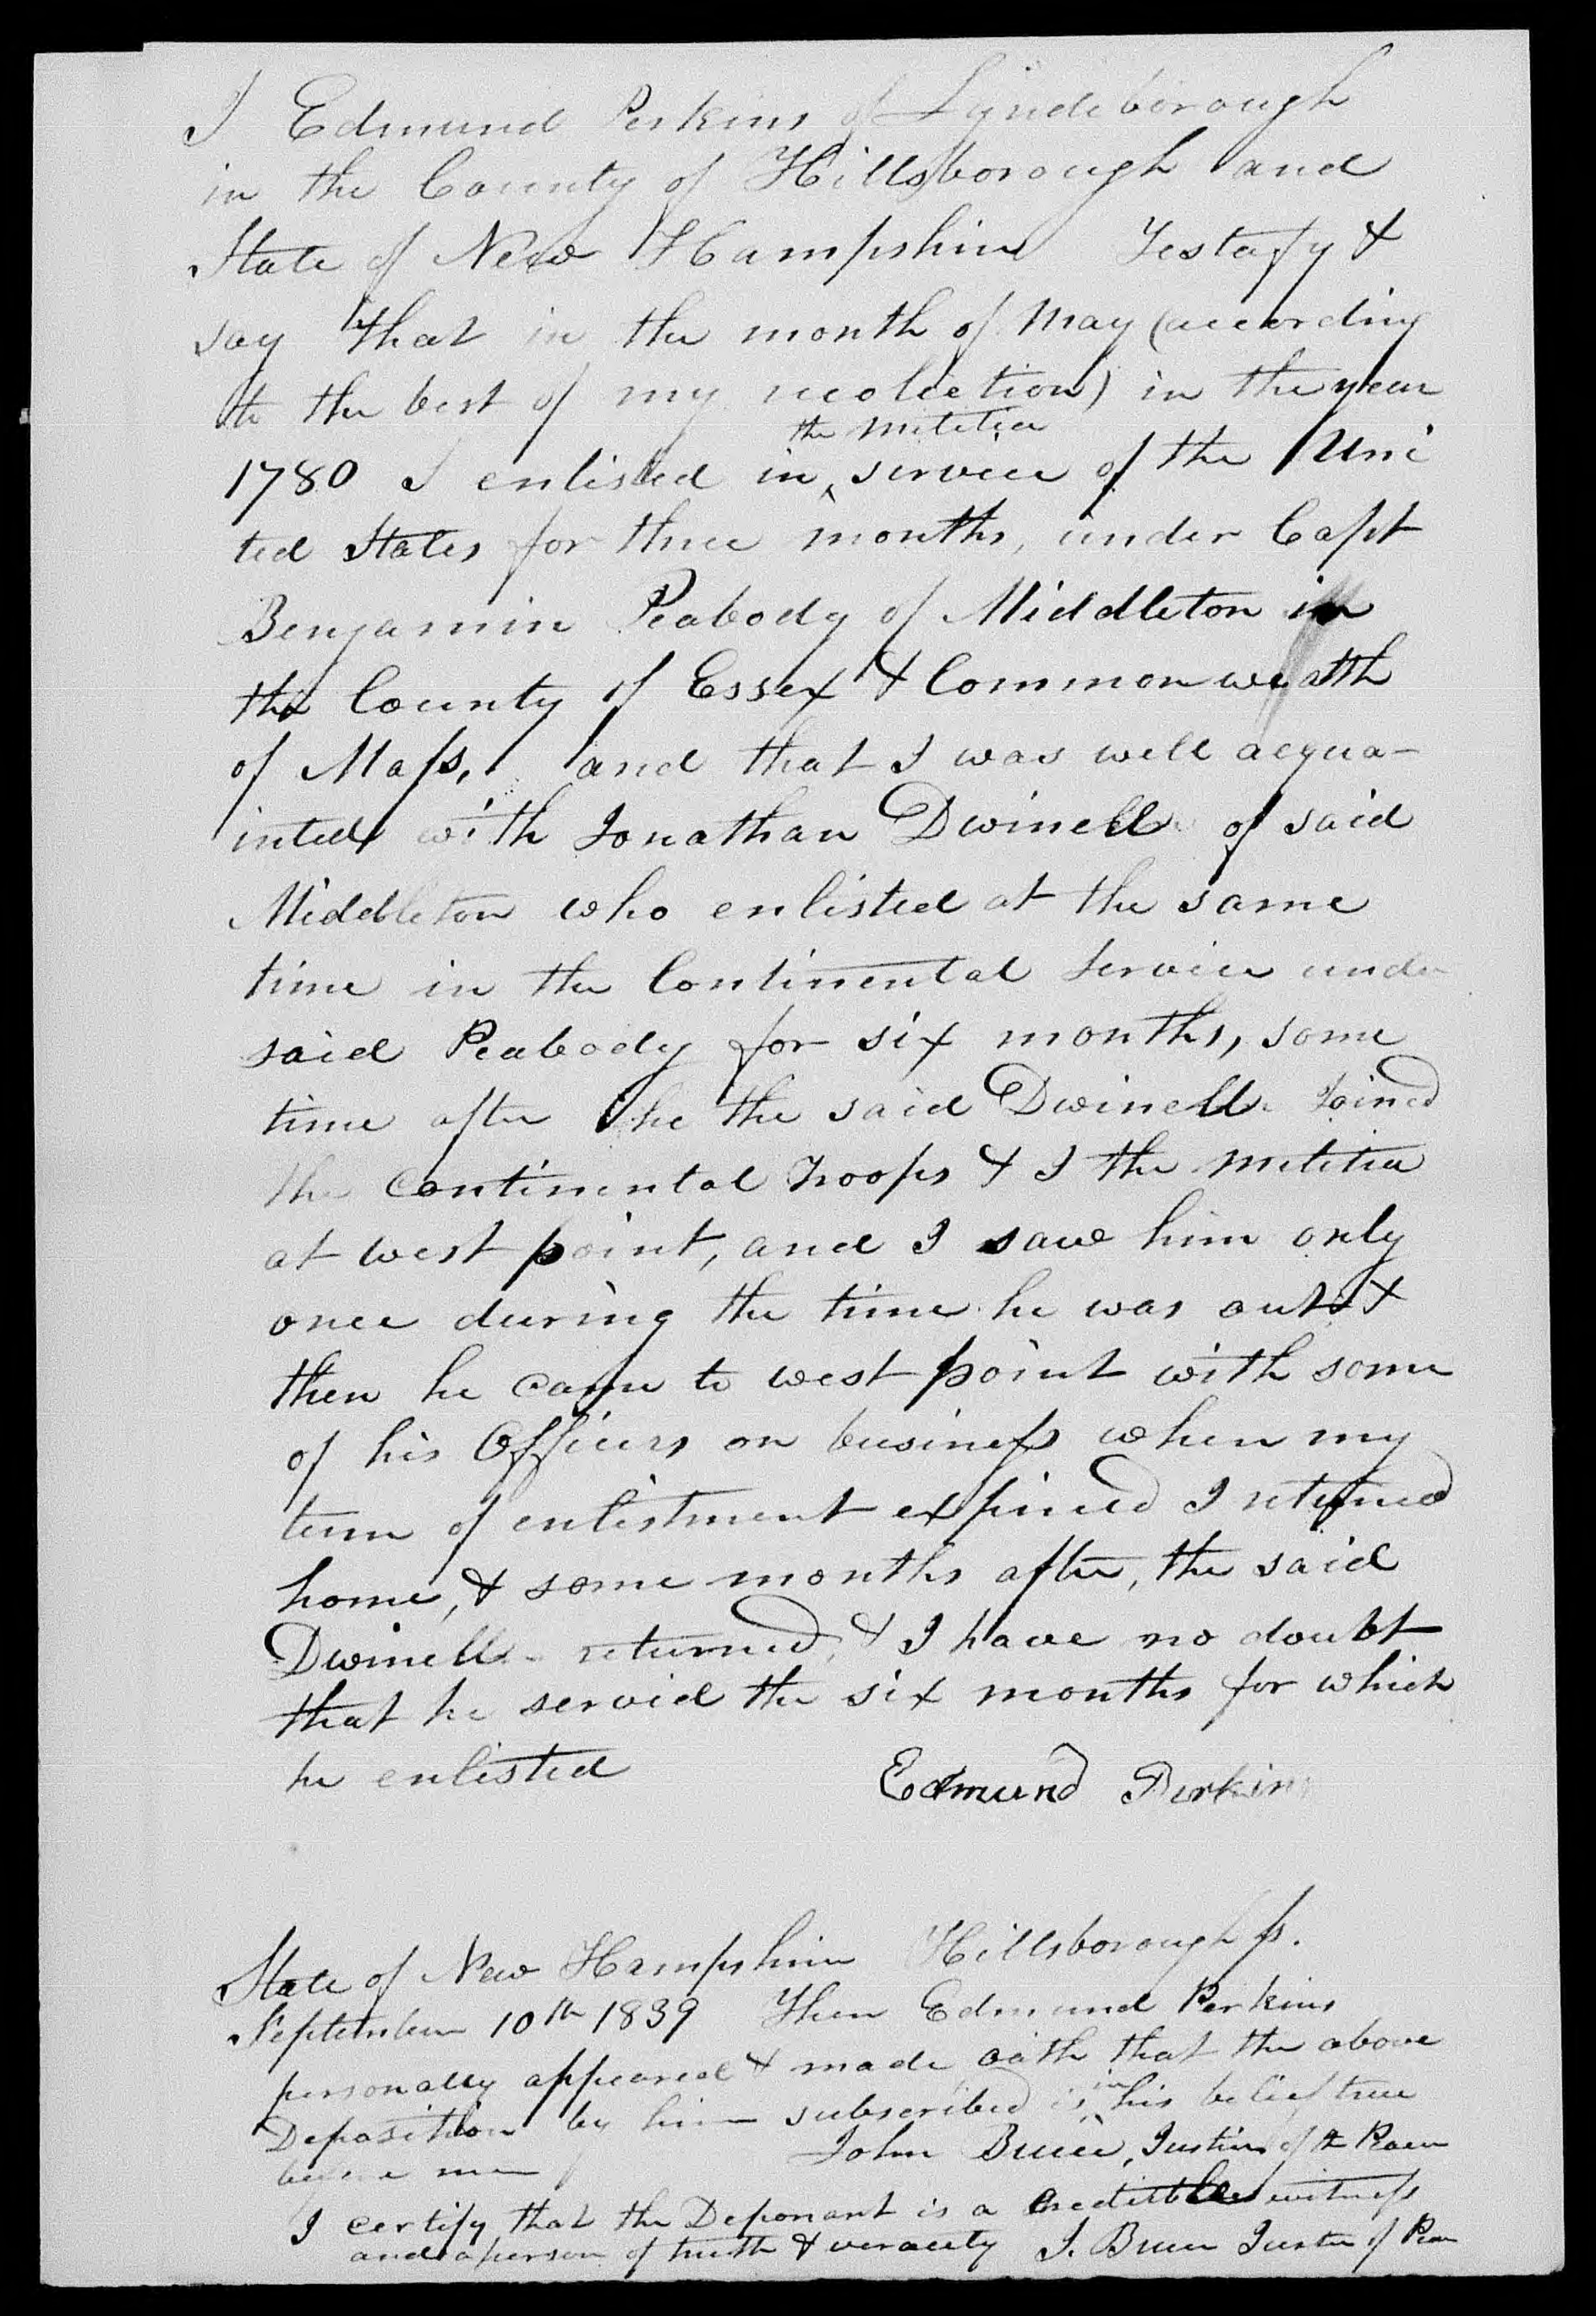I Edmund Perkins of Lyndeborough in the County of Hillsborough and State of New Hampshire Testify & say that in the month of May (according to the best of my recollection) in the year 1780 I enlisted in ^ the militia service of the United States for three months, under Capt Benjamin Peabody of Middleton in the County of Essex & Commonwealth of Mass, and that I was well acquainted with Jonathan Dwinell of said Middleton who enlisted at the same time in the Continental Service under said Peabody for six months, some time after the said Dwinell joined the Continental Troops & I the militia at west point, and I saw him only once during the time he was out & then he came to west point with some of his Officers on business when my term of enlistment expired I returned home, & some months after, the said Dwinell returned, & I have no doubt that he served the six months for which he enlisted Edmund Perkins State of New Hampshire Hillsborough Ss. September 10th 1839 Then Edmund Perkins personally appeared & made oath that the above Deposition before me by him subscribed is in his belief true John Bruce, Justice of the Peace I certify that the Deponant is a creditable witness and a person of truth & veracity J. Bruce Justice of Peace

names: Jonathan Dwinell, Dwinell, Edmund Perkins, Dwinell, J Brien, Peabody, John Brien, Edmund Perkins, Edmund Perkins, Benjamin Peabody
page: 22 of 22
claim: widow's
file: W. 22984, John Dwinnell, Mass.